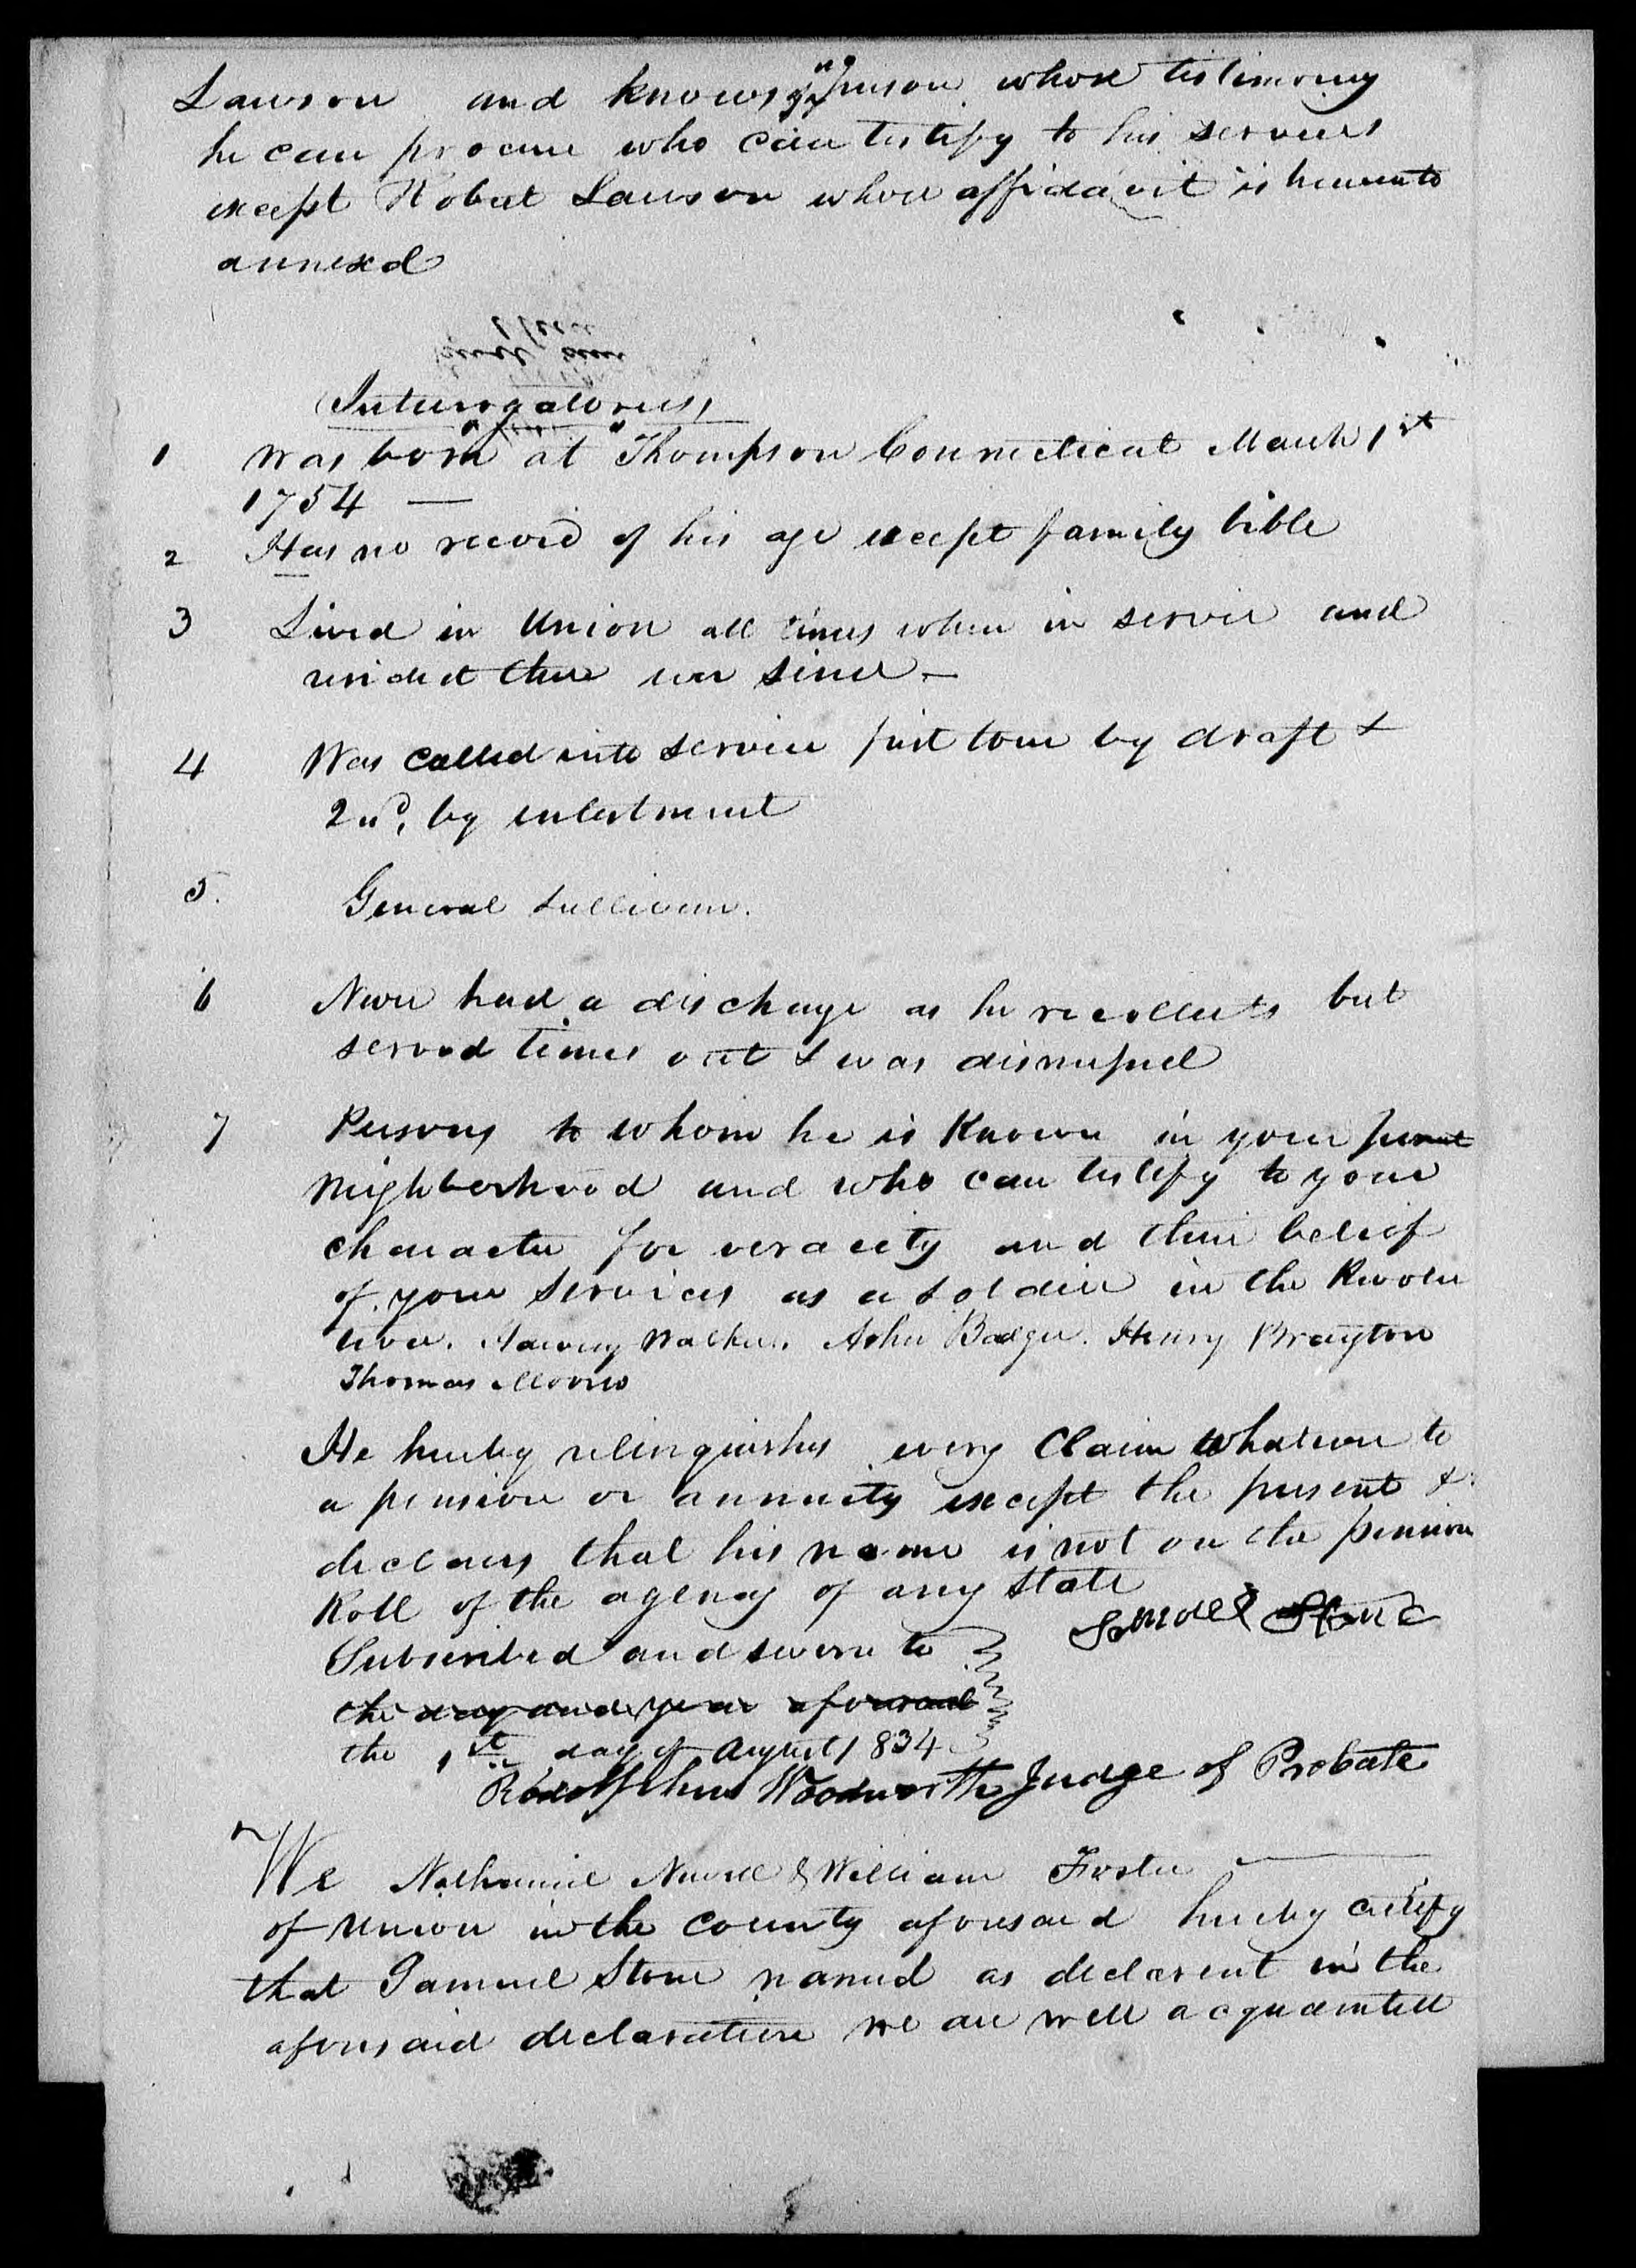Lawson and knows of no person whose testimony he can procure who can testify to his services except Robert Lawson whose affidavit is hereunto annexed. 

Interrogatories

1.  Was born at Thompson Connecticut March 1st 1754 -
2. Has no record of his age except family bible
3. Lived in Union all times when in service and
resided there ever since - 
4. Was called into service first tour by draft &
2d by enlistment
5. General Sullivan
6. Never had a discharge as he recollects but
served times out & was dismissed
7. Persons to whom he is known in your present neighborhood and who can testify to your character for veracity and their belief
of your services as a soldier in the Revolution.   Harvey Walker, Asher Badger, Henry Brayton
Thomas [illegible]


He hereby relinquishes every claim whatever to a pension or annuity except the present &
declares that his name is not on the pension
Roll of the agency of any State.
[signed] Samuel Stone

Subscribed and sworn to
the 1st day of August 1824.
Rodolphus Woodworth [signature]
the Judge of Probate


We Nathaniel Newell & William Foster of Union in the County aforesaid hereby certify
that Samuel Stone named as declarent in the
aforesaid declaration we are well acquainted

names: Robert Lawson; Henry Brayton; Asher Badger; Samuel Stone; William Foster; Robert Lawson; Samuel Stone; Nathaniel Newell; [BLANK] Sullivan; Rodolphus Woodworth; Thomas Clovers; Harvey Walker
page: 8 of 10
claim: survivor's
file: S. 17,708, for Samuel Stone, Connecticut